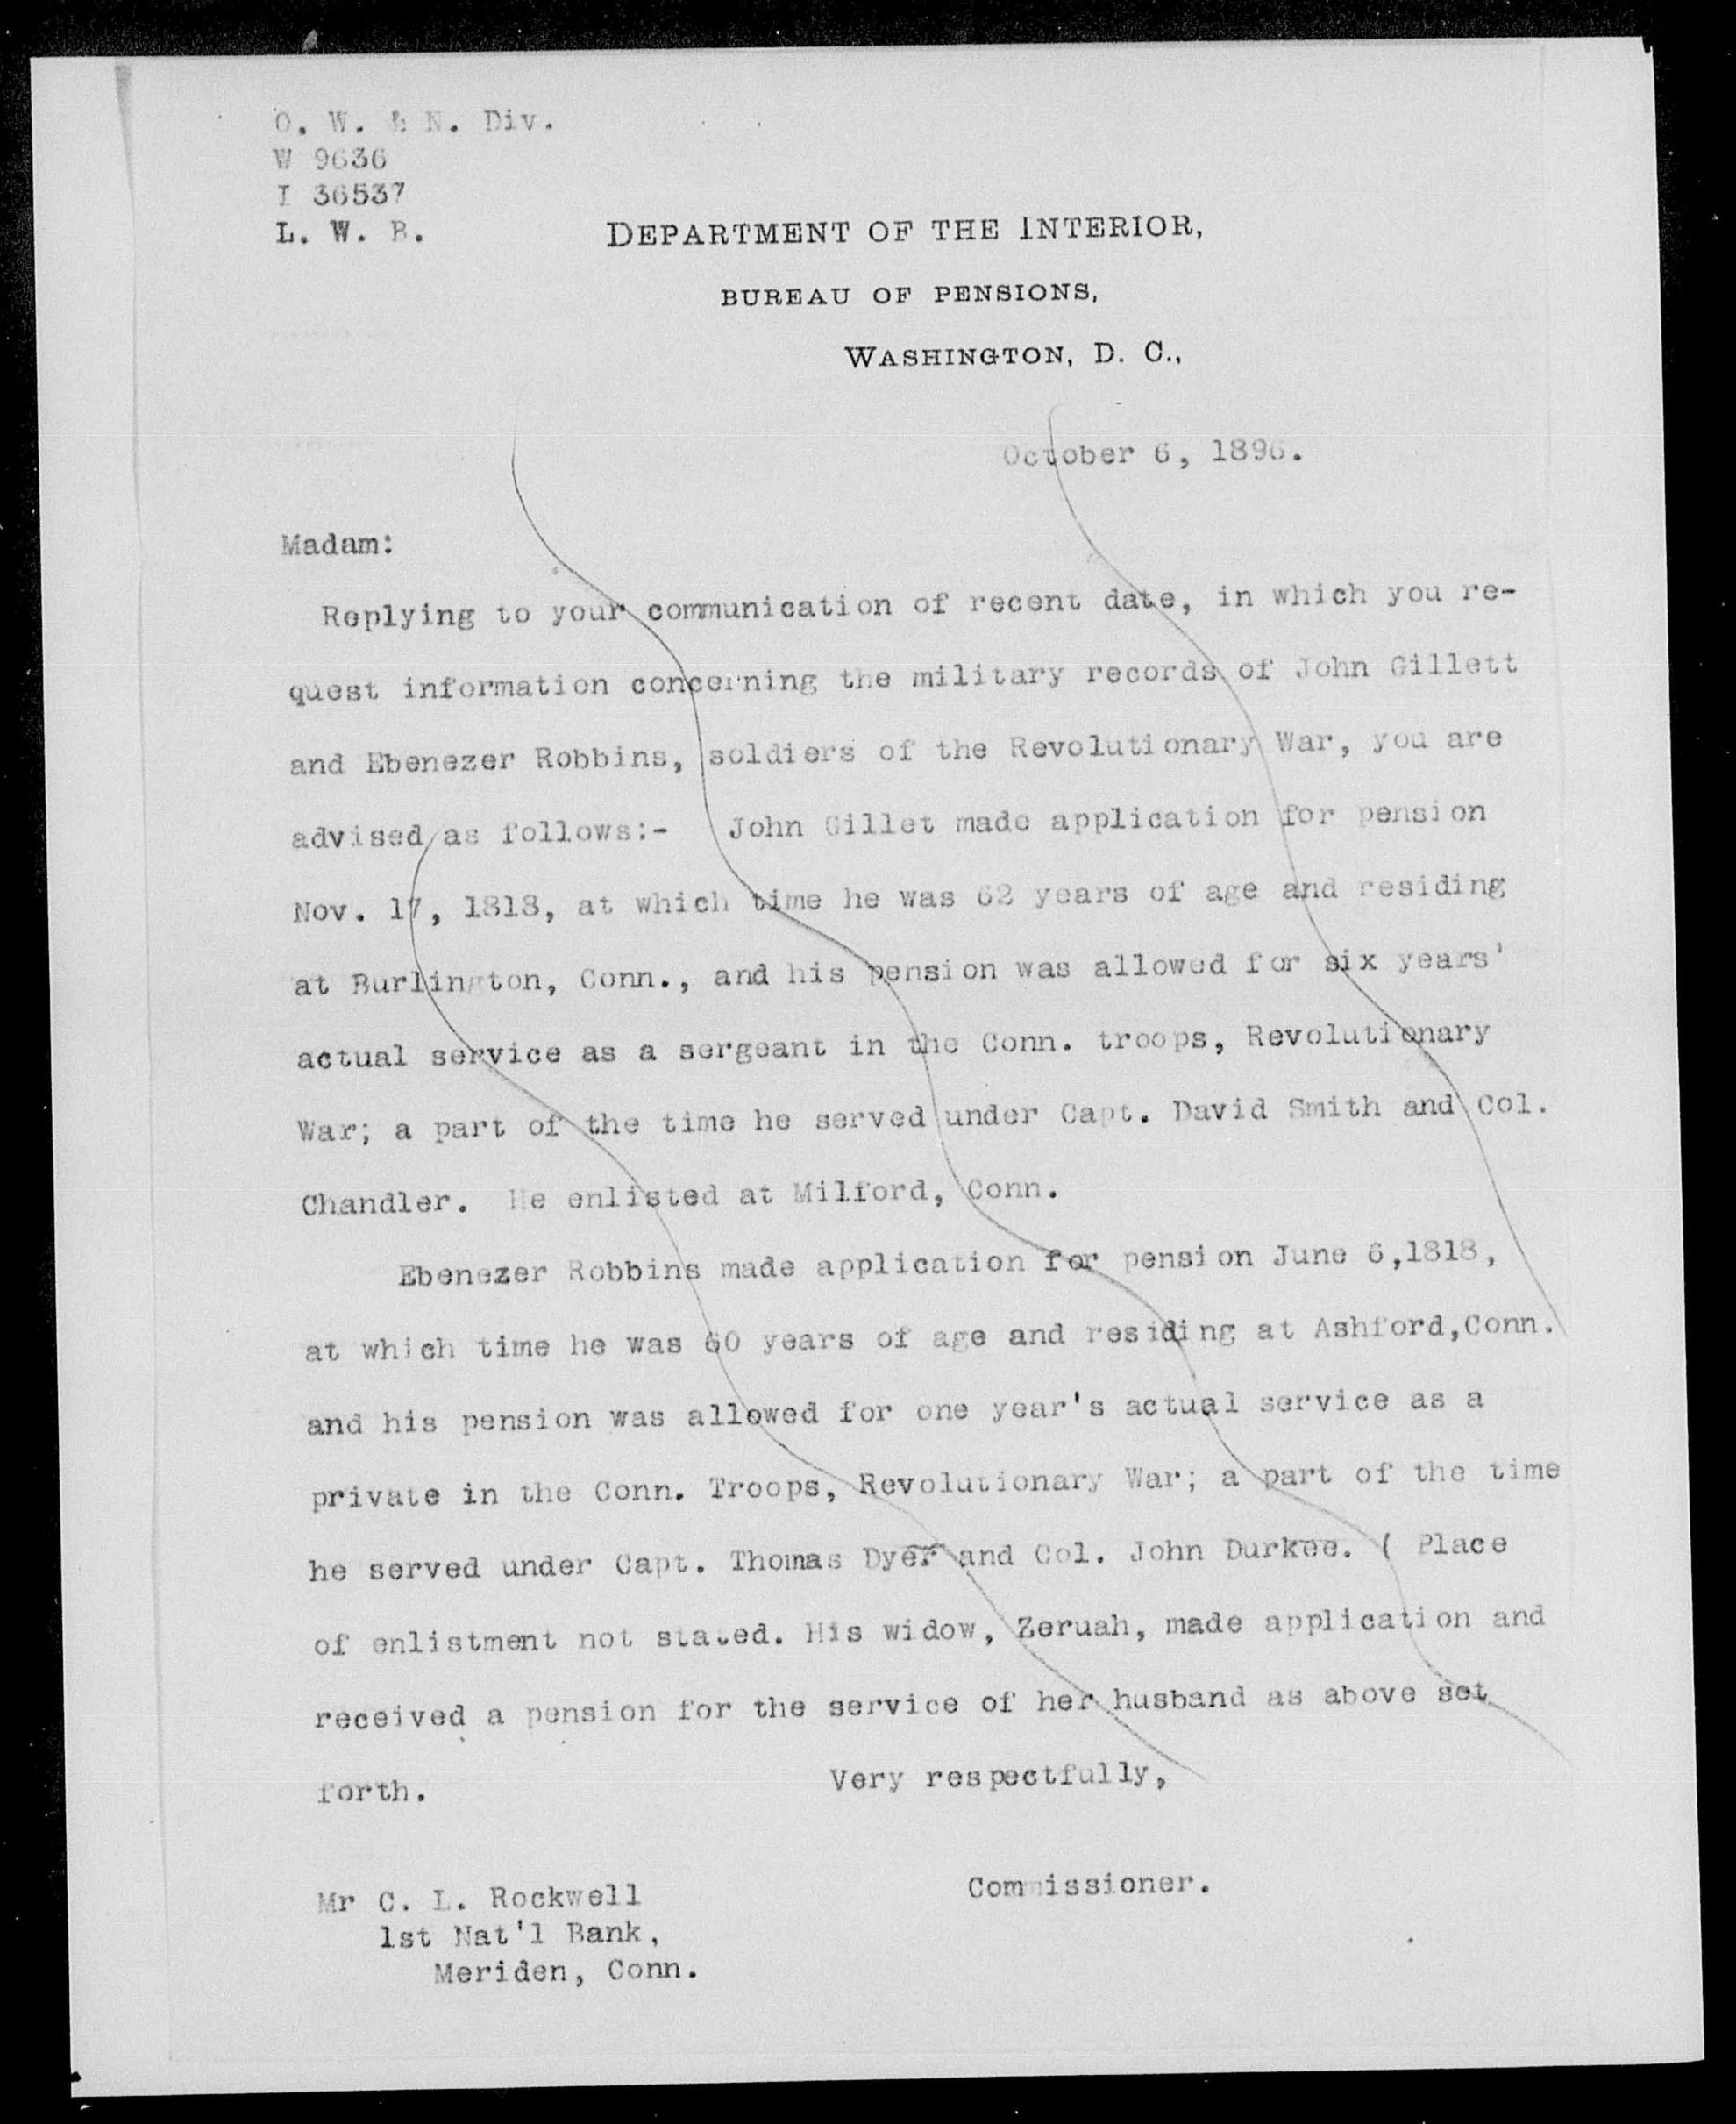O. W. & N. Div.
W 9636
T36537
L. W. B.         DEPARTMENT OF THE INTERIOR
                             BUREAU OF PENSIONS
                                        WASHINGTON, D.C.

                                              October 6, 1896.

Madam:
   Replying to your communication of recent date, in which you request information concerning the military records of John Gillett and Ebenezer Robbins, soldiers of the Revolutionary War, you are advised as follows:- John Gillet made application for pension Nov. 17, 1818, at which time he was 62 years of age and residing at Burlington, Conn., and his pension was allowed for six years' actual service  as a sergeant in the Conn. troops, Revolutionary War; a part of the time he served under Capt. David Smith and Col. Chahndler.  He enlisted in Milford, Conn.

Ebenezer Robbins made application for pension on June 6, 1818, at which time he was 60 years of age and residing at Ashford, Conn. and is pension was allowed for one year's actual service as a private in the Conn. Troops, Revolutionary War: a part he served under Capt. Thomas Dyer and Col. John Durkee. (Place of enlistment not stated. His widow Zeruah, made application and received  a pension for the service of her husband as above set forth.
                                    Very respectfully,

                                          Commissioner.
Mr. C.L. Rockwell
   3st Nat'l. Bank,
    Meriden, Conn.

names: John Durkee, Thomas Dyer, Chandler, David Smith, Ebenezer Robbins, John Gillett, C L Rockwell, Zeruah, Ebenezer Robbins, John Gillet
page: 36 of 40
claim: survivor's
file: S. 36,537 And R. 4034, John Gillet, Conn.